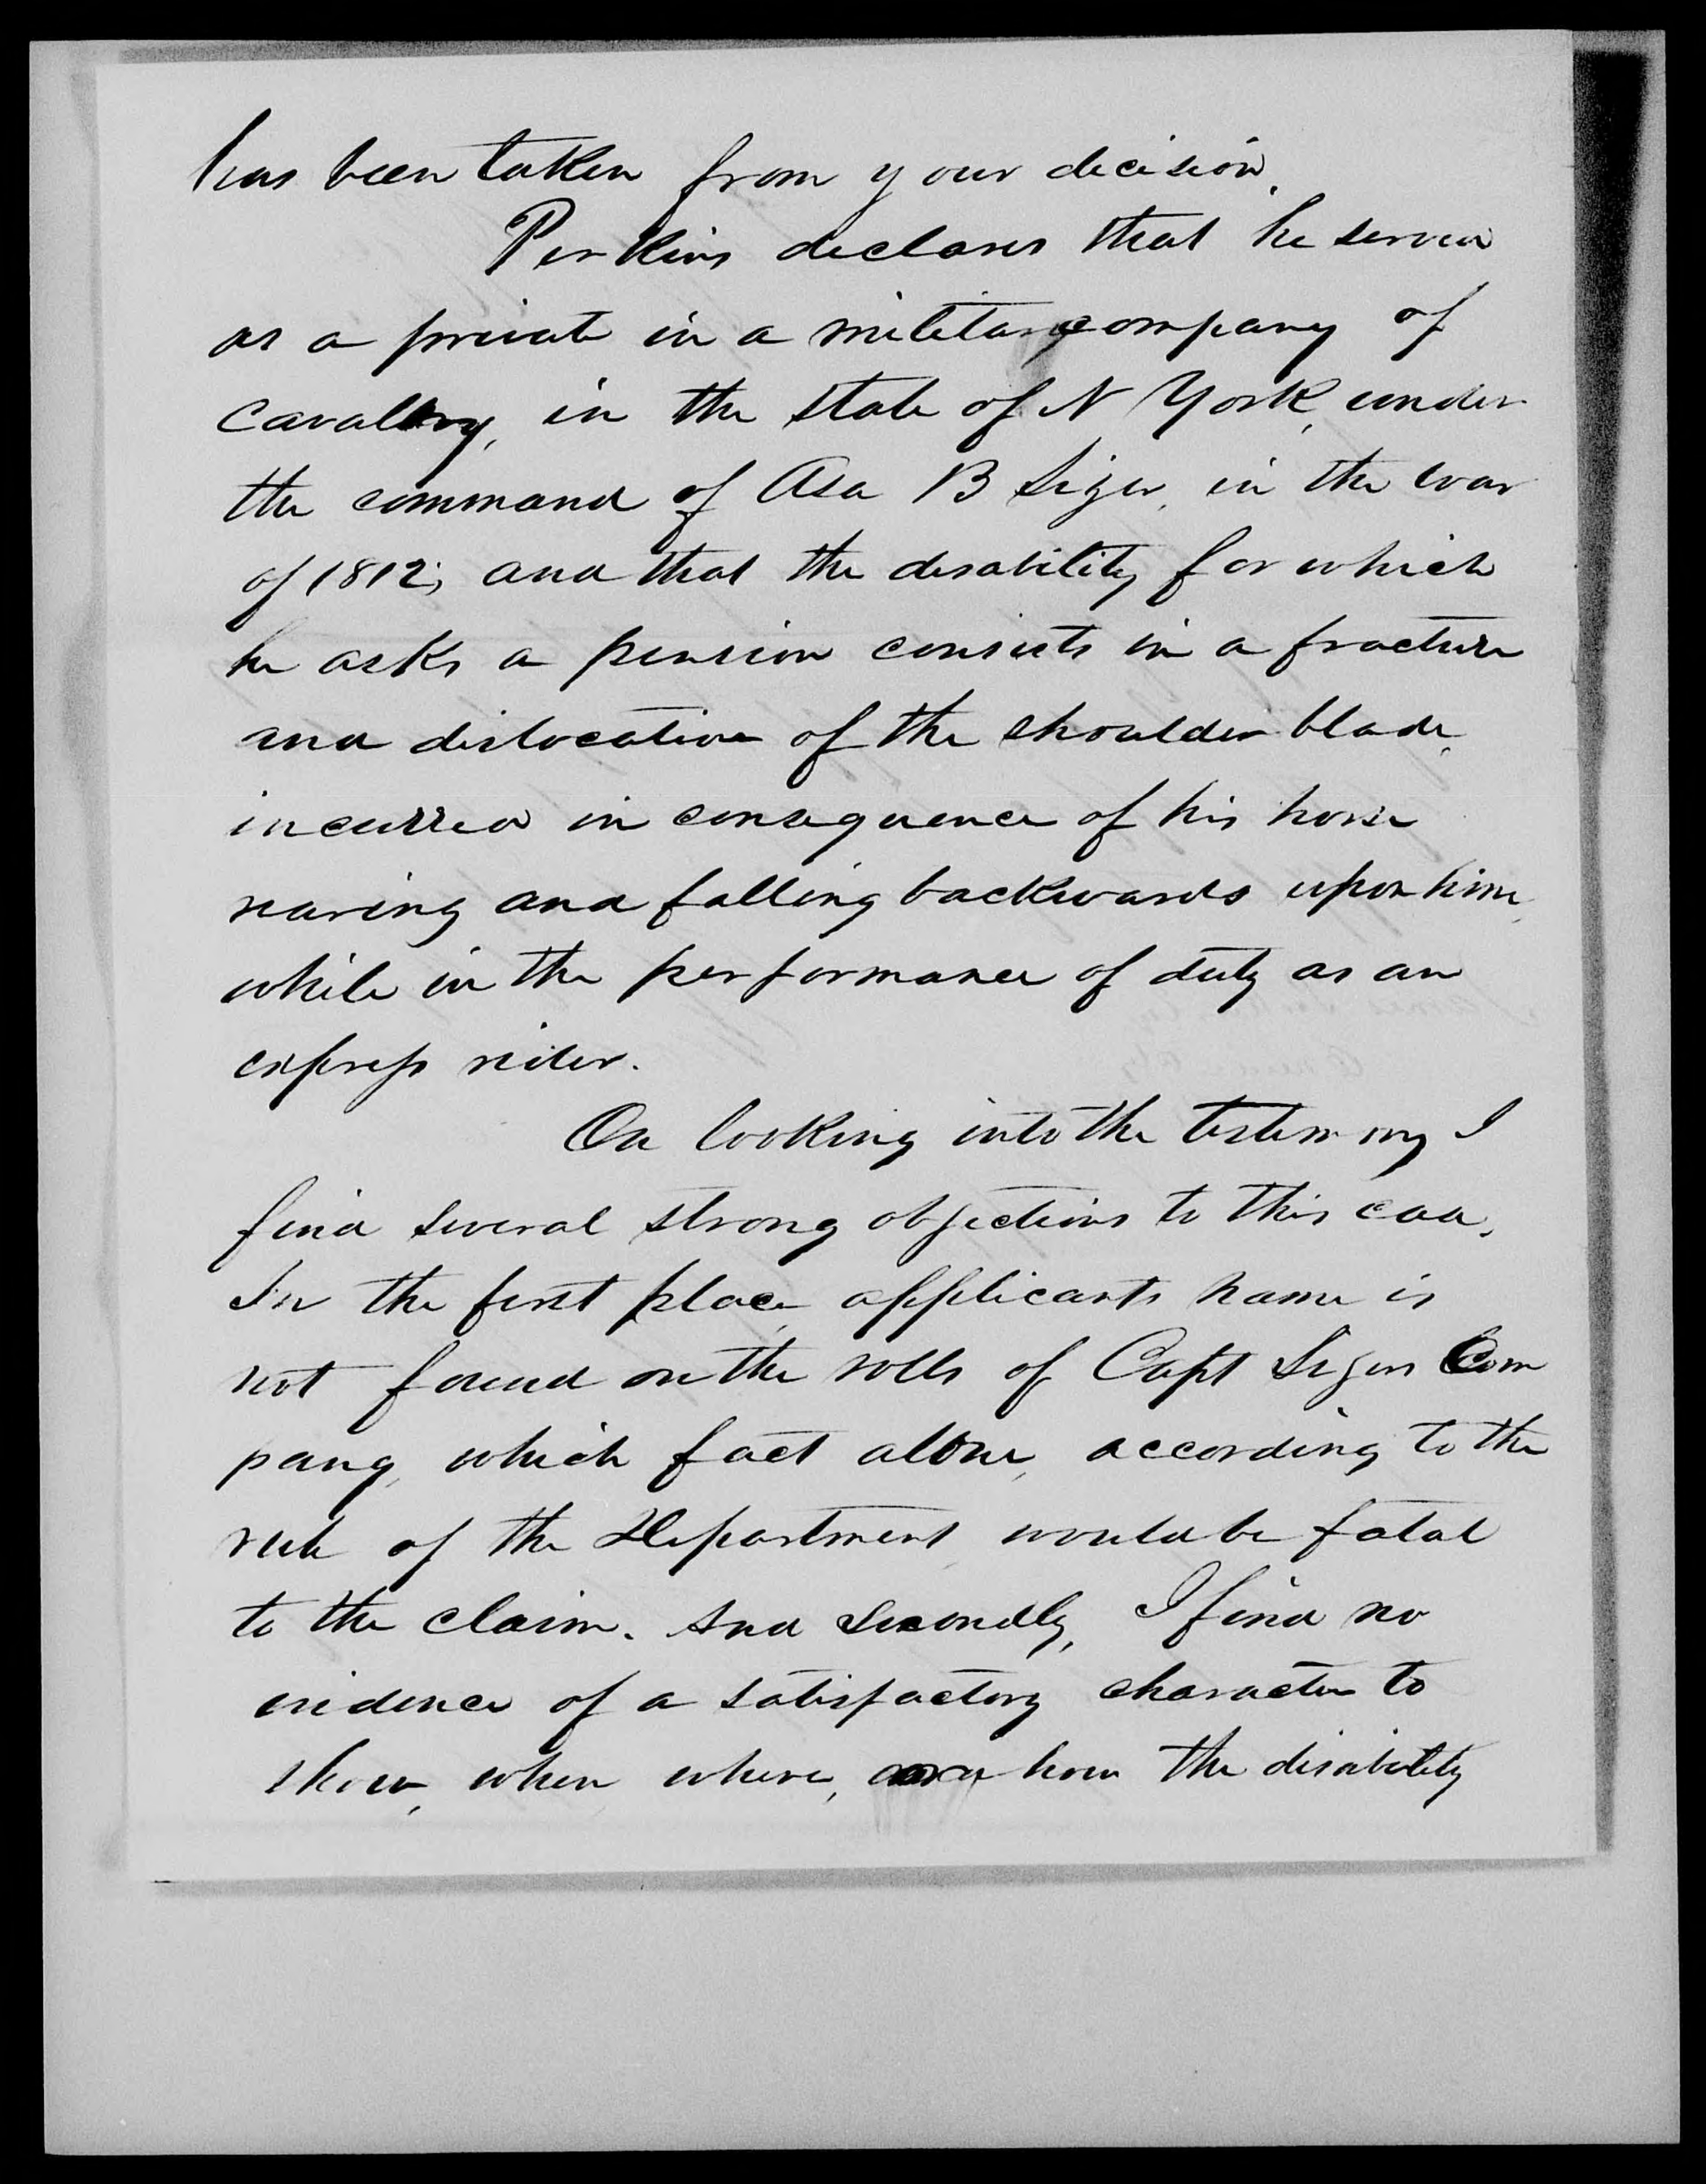has been taken from your decision 
Perkins declares that he served as a private in a military company of Cavalry in the State of N York under the command of Asa B Sizer, in the war of 1812, and that the disability for which he asks a pension consists in a fracture and dislocation of the shoulder blade incurred in consequence of his horse rearing and falling backwards upon him while in the performance of duty as an express rider. 
On looking into the testimony I find several strong objections to this case. In the first place applicants name is not found on the rolls of Capt Sizers Company which fact alone, according to the rule of the Department would be fatal to the claim. And secondly, I find no evidence of a satisfactory character to know when where, and how the disability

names: Asa B Sizer; [BLANK] Perkins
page: 27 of 44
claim: rejected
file: R. 17,033, for Joseph Perkins, New York